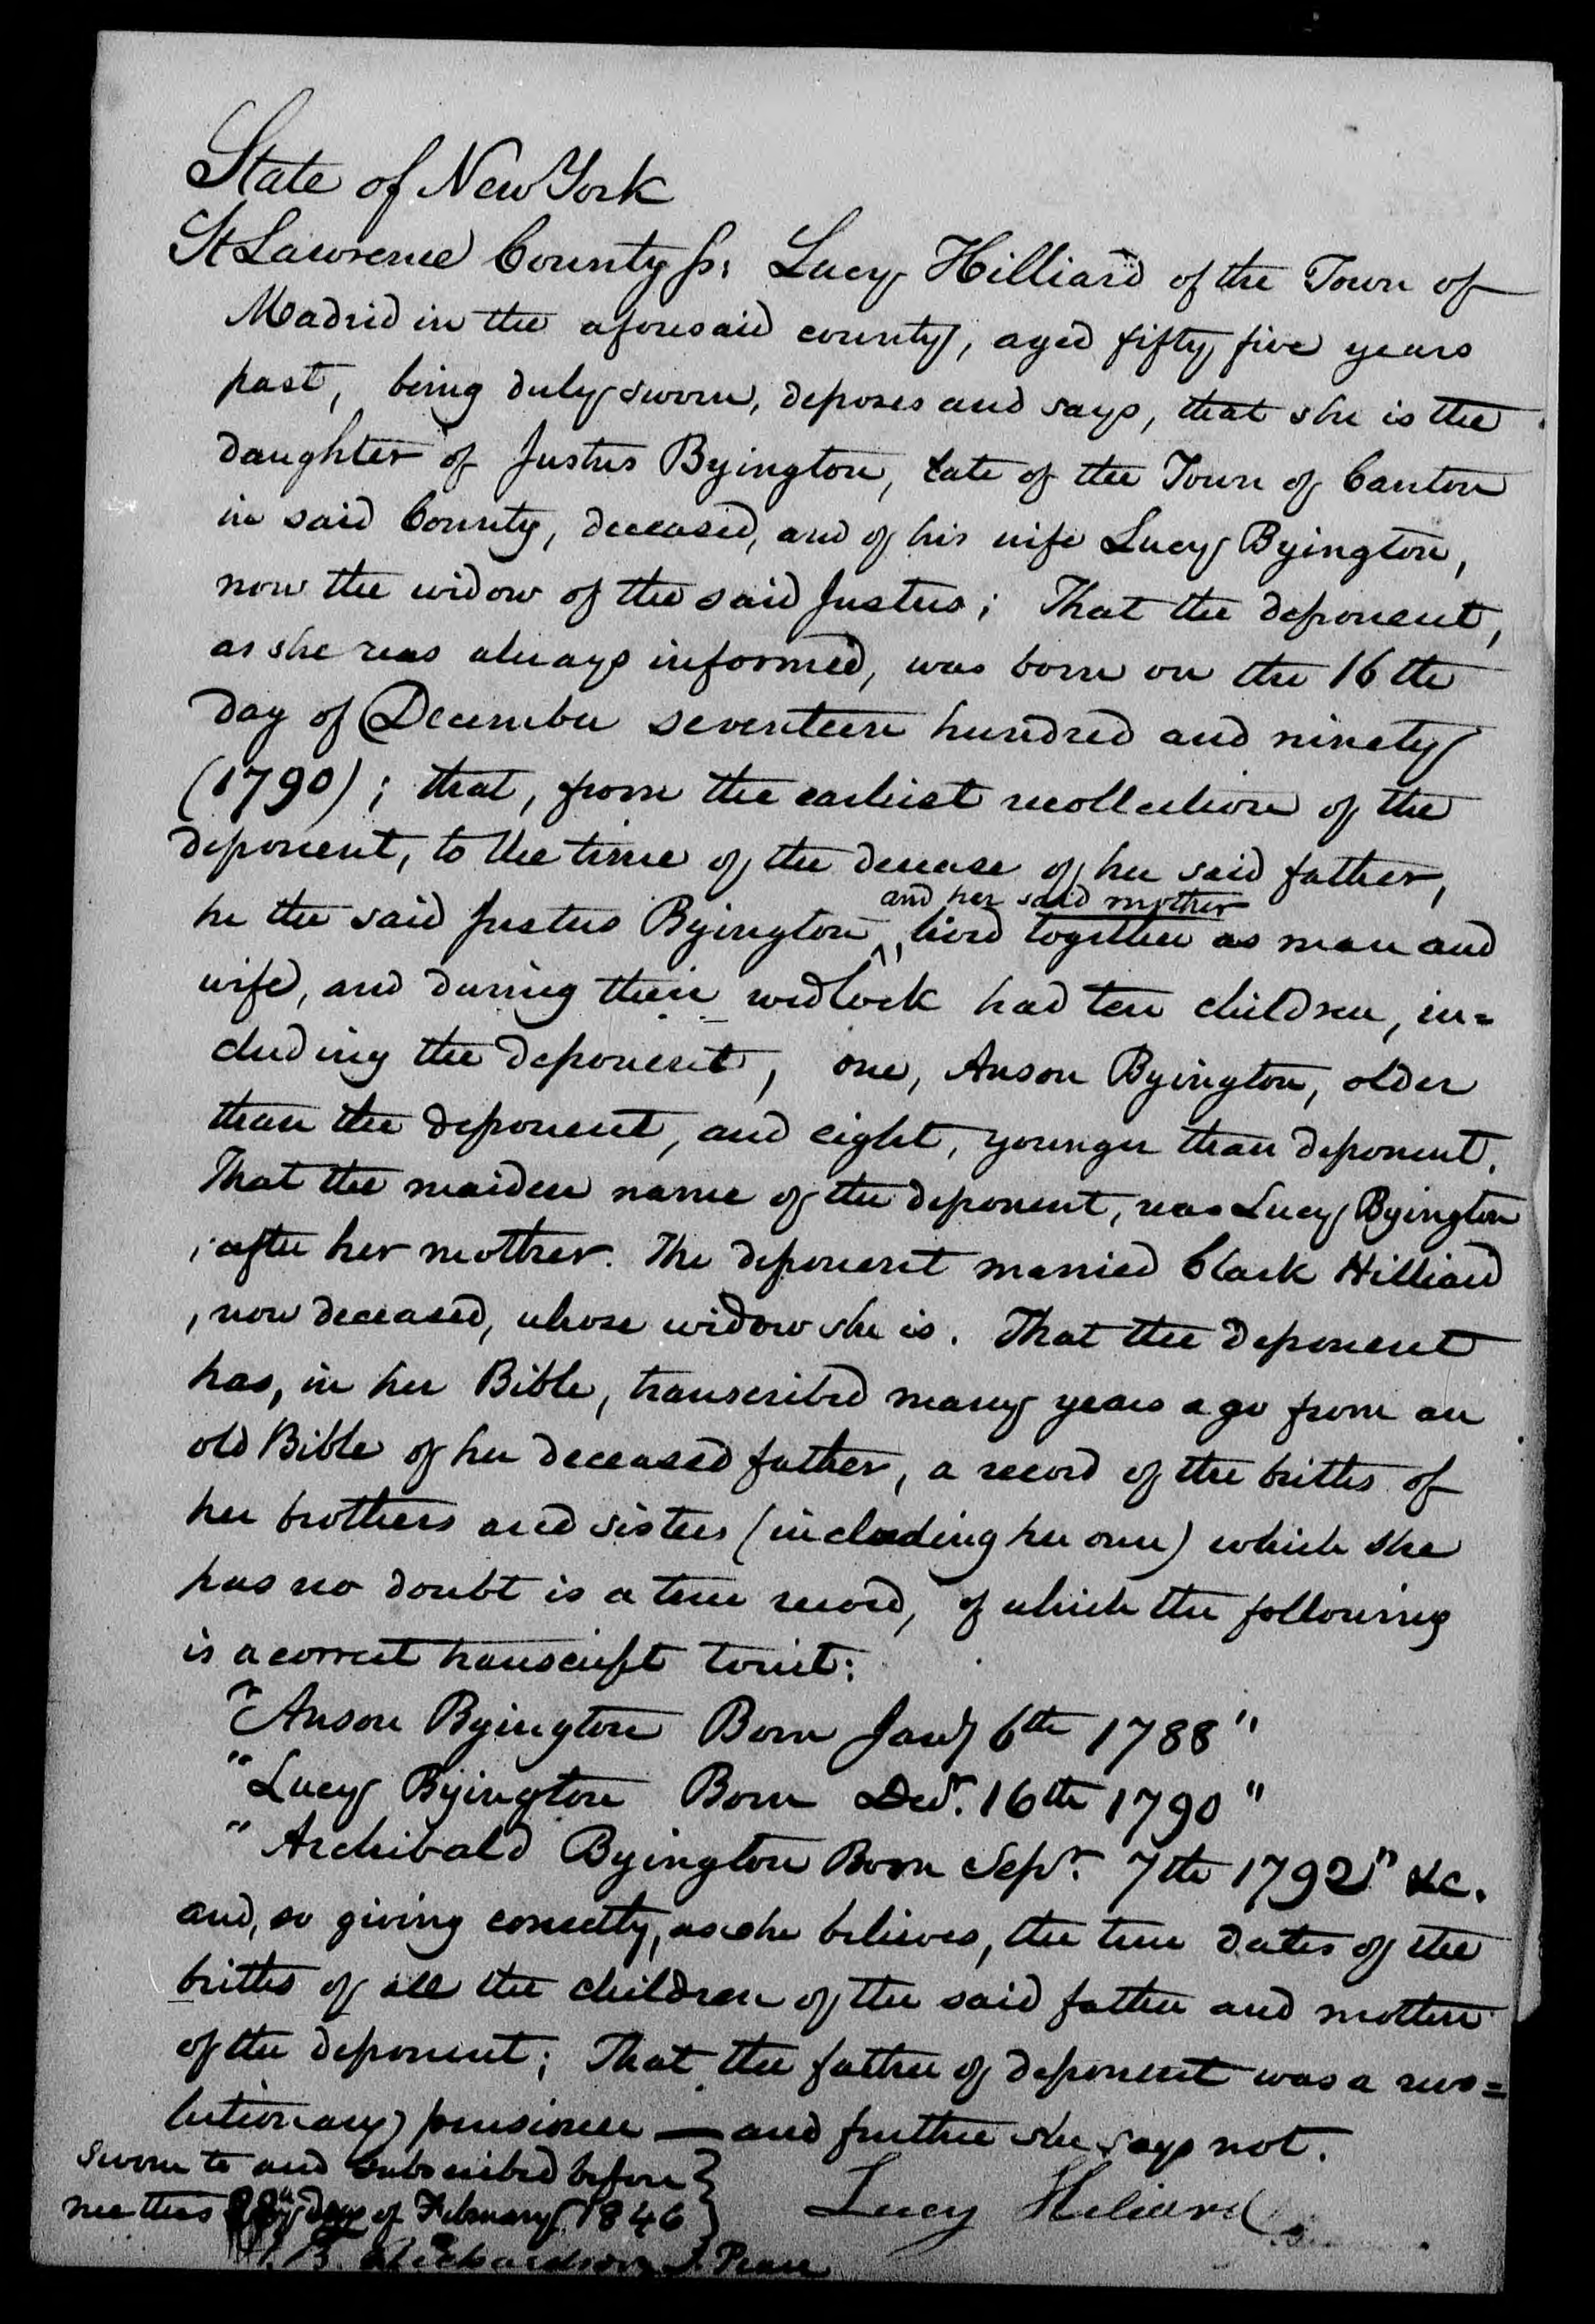State of New York
St Lawrence County ss: Lucy Hilliard of the Town of Madrid in the aforesaid county, aged fifty five years past, being duly sworn, deposes and says, that he is the Daughter of Justus Byington, late of the Town of Canton in said County, deceased, and of his wife Lucy Byington, now the widow of the said Justus; That the deponent, as she was always informed, was born on the 16th day of December seventeen hundred and ninety (1790); that, from the earliest recollection of the deponent, to the time of the decease of his said father, eh the said Justus Byington and, her said mother live together as man and wife, and during their wedlock had ten children, including the deponent, one, Anson Byington, older than the deponent, and eight, younger than deponent. That the maiden name of the deponent, was Lucy Byington, after her mother. The deponent Clark Hilliard, now deceased, whose widow she is. That the deponent has, in his Bible, transcribed many years ago from an old Bible of her deceased father, a record of the births of her brothers and sisters (including her own) which she has no doubt is a true record, of which the following is a correct transcript to wit:
"Anson Byington Born Jany 6th 1788"
"Lucy Byington Born Decr. 16th 1790"
"Archibald Byington Born Sepr. 7th 1792" &c.
and, so giving exactly, as she believes, the time dates of the births of all the children of the said father and mother of the deponent; That the father of the deponent was a revolutionary pensioner---and further she says not.
Lucy Hilliard

sworn to and subscribed before}
me this 28th day of February 1846}
H. B. Richardson}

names: Lucy Byington, Anson Byington, Archibald Byington, Anson Byington, Justus Byington, Lucy Hiliard, Justus Byington, Clark Hilliard, H B Richardson, Lucy Byington, Lucy Hilliard, Lucy Byington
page: 11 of 79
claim: widow's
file: W. 23754, Justus Byington, Conn.